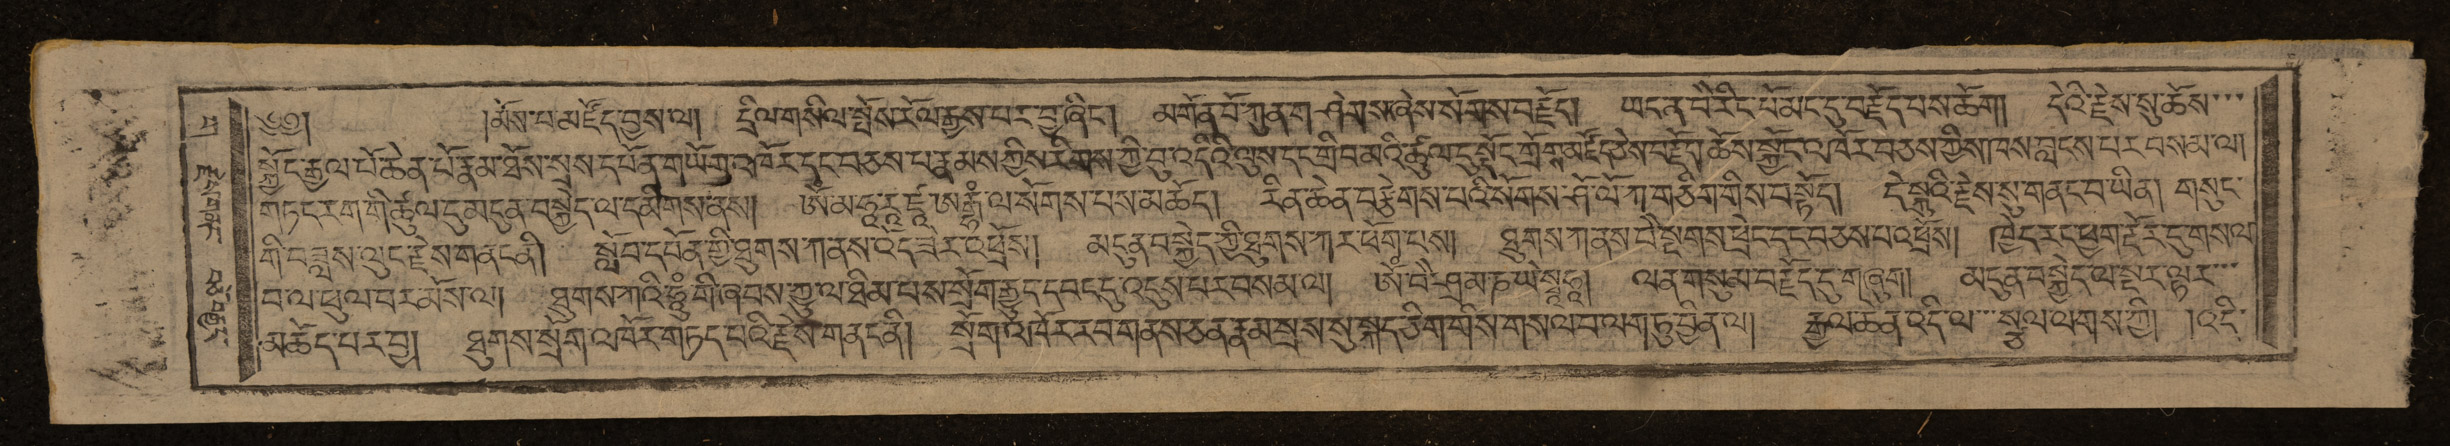༄༅། །མོས་པ་མཛོད་བྱས་ལ། དྲིལ་གསིལ་སྤོས་རོལ་རྐྱས་བར་བྱ་ཞིང་། མགོན་པོ་ཀུན་གཤེགས་ཞེས་སོགས་བརྗོད། ཡང་ན་བཻ་རིང་པོ་མང་དུ་བརྗོད་པས་ཆོག། དེའི་རྗེས་སུ་ཆོས་
སྐྱོང་རྒྱལ་པོ་ཆེན་པོ་རྣམ་ཐོས་སྲས་དཔོན་གཡོག་འཁོར་དང་བཅས་པ་རྣམས་ཀྱིས་རིགས་ཀྱི་བུ་འདིའི་ལུས་དང་གྲིབ་མའི་ཚུལ་དུ་སྡོང་གྲོགས་མཛོད་ཅེས་བརྗོད། ཆོས་སྐྱོང་འཁོར་བཅས་ཀྱིས་ཁས་བླངས་པར་བསམ་ལ།
གཏང་རག་གི་ཚུལ་དུ་མདུན་བསྐྱེད་ལ་དམིགས་ནས། ཨོཾ་མ་ཧཱ་རཱ་ཛཱ་ཨརྒྷཾ་ལ་སོགས་པས་མཆོད། རིན་ཆེན་བརྩེགས་པའི་སོགས་ཤོ་ལོ་ཀ་གཅིག་གིས་བསྟོད། དེ་སྐུའི་རྗེས་སུ་གནང་བ་ཡིན། གསུང་
གི་བཟླས་ལུང་རྗེས་གནང་ནི། སློབ་དཔོན་གྱི་ཐུགས་ཀ་ནས་འོད་ཟེར་འཕྲོས། མདུན་བསྐྱེད་ཀྱི་ཐུགས་ཀར་ཕོག་པས། ཐུགས་ཀ་ནས་བཻ་སྔགས་ཕྲེང་དང་བཅས་པ་འཕྲོས། ཁྱེད་རང་ཕྱག་རྡོར་དུ་གསལ་
བ་ལ་ཕུལ་བར་མོས་ལ། ཐུགས་ཀའི་ཧཱུཾ་གི་ཞབས་ཀྱུ་ལ་ཐིམ་པས་སྲོག་རྒྱུད་དབང་དུ་འདུས་པར་བསམ་ལ། ཨོཾ་བཻ་ཤྲ་མ་ཎ་ཡེ་སྭཱཧཱ། ལན་གསུམ་བརྗོད་དུ་གཞུག། མདུན་བསྐྱེད་ལ་སྔར་ལྟར་
མཆོད་པར་བྱ། ཐུགས་སྲོག་འཁོར་གཏད་པའི་རྗེས་གནང་ནི། སྲོག་འཁོར་རབ་གནས་ཅན་རྣམ་སྲས་སུ་སྐད་ཅིག་གིས་གསལ་བ་ལག་ཏུ་བྱིན་ལ། རྒྱལ་ཆེན་འདི་ལ་སྩལ་ལགས་ཀྱི། །འདི་